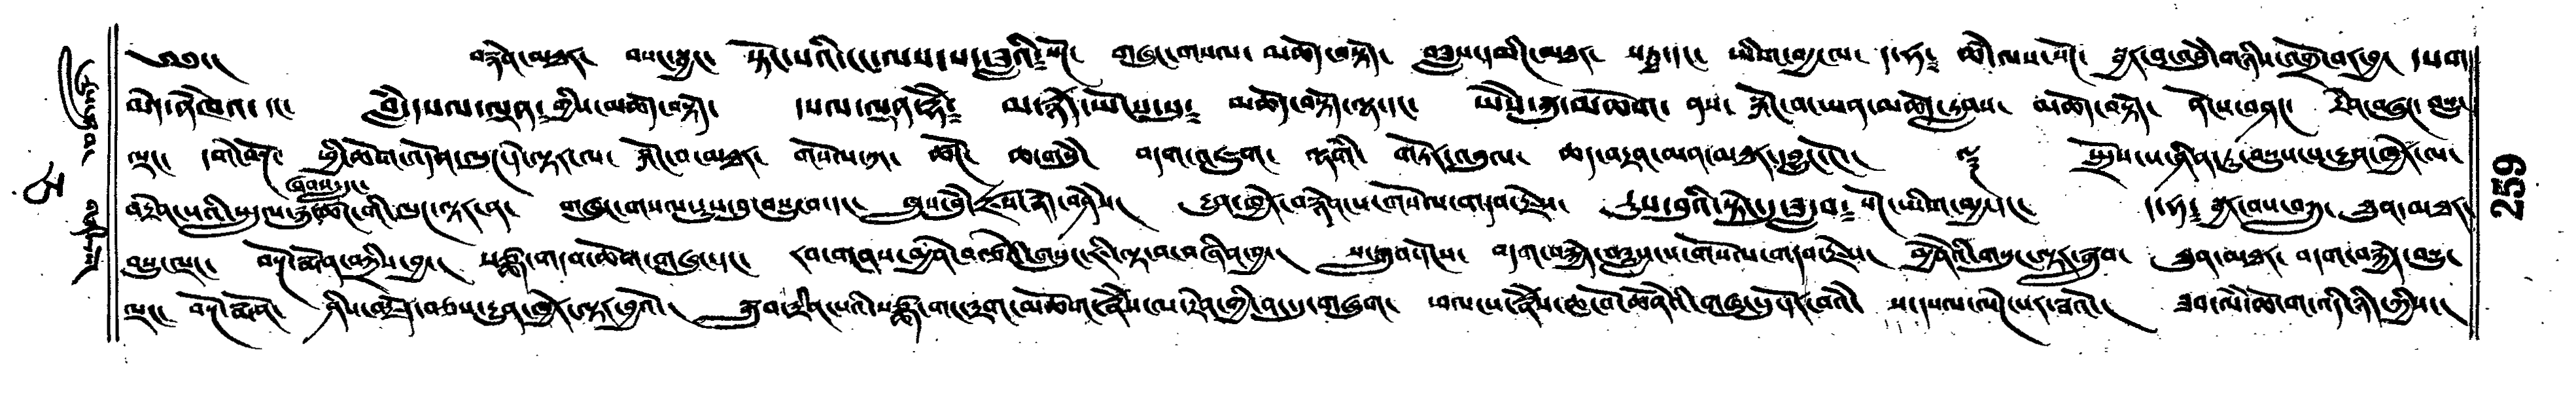བསྙེན་མཐར། བསང་སྦྱང་། སྟོང་པའི་ངང་ལས་པད་ཟླའི༴ སོགས། གཞུང་གསལ། མཆོད་བསྟོད། བཟླས་དམིགས་མཐར། སཏྭ་དང་། ཡིག་བརྒྱ་ལ། ད་ཧ༴ ཚེ་ལས༴ སོགས། སྦྱར་བ་འབུམ་གཉིས་འགྲོ་བར་བྱ། དཔག་
མེད་ནམ་མཁའ༴ དང་། བླ་མ་དཔལ་ལྡན༴ གྱིས་མཆོད་བསྟོད། དཔལ་ལྡན་རྡོ་རྗེ༴ མ་རྙེད་ཡོངས་སུ༴ མཆོད་བསྟོད་ལྷ་དང་། ཡེ་ཤེས་སྐུ་མཆོག༴ ནས། སྐོང་བ་ཡན། མཆོད་རླབས། མཆོད་བསྟོད། ནོངས་བཤགས། རྟེན་བཞུགས། བསྡུ
ལྡང་། དགེ་བསྔོ། ཕྱི་ཆོག་འདོན་ལུགས་དེ་ལྟར་ལ། སྐོང་བ་མཐར། གསོལ་ཀ ཚོགས། ཆ་གསུམ། བདག་འཇུག ལྷག་མ། གཏོར་འབུལ། ཆད་བརྟན་མན་མཐར་དབྱུང་ངོ་། ༈ སྤྲོས་པ་ཤིན་ཏུ་བསྡུས་པ་རྒྱུན་ཁྱེར་ལ་
བརྟེན་པའི་སྤྲུལ་སྐུ་ཞབས་དྲུང་ཚང་གི་ལུགས་ལྟར་ན། གཞུང་གསལ་རུས་བུ་བསྡུ་བ་དང་། ཁྲུས་བུམ་རྫས་སྣོད་བཤམ། རྒྱུན་ཁྱེར་བསྙེན་པ་གསོལ་གདབ་རྗེས། རུས་བུའི་སྟེང་དུ་ཟླ་བ༴ སོགས་ཡིག་བརྒྱ་དང་། ད་ཧ༴ སྦྱར་བས་བཀྲུ། ཐུན་མཐར། 
བསྡུ་ལྡང་། བསྔོ་སྨོན་བཀྲ་ཤིས་བྱ། སཙྪ་གདབ་ཆོག་གཞུང་དང་། རབ་གནས་མཁྱེན་བརྩེའི་གསུང་ཇི་ལྟ་བ་བཞིན་བྱ། ས་སྒྲུབ་དངོས། བདག་བསྐྱེད་བཟླས་པ་གསོལ་བཏབ་རྗེས། མཁྱེན་བརྩེའི་གསུང་ལྟར་བསྒྲུབ། ཐུན་མཐར། བདག་བསྐྱེད་བསྡུ་
ལྡང་། བསྔོ་སྨོན། ཤིས་བརྗོད་བཅས་རྒྱུན་ཁྱེར་ལྟར་བྱའོ། བསྒྲུབས་ཟིན་པའི་སཙྪ་གང་ཟག་མཆོག་རྣམས་ལ་རྟེན་གྱི་ནང་དུ་གཞུག ཕལ་པ་རྣམས་ཆུ་བོ་ཆེན་པོའི་གཞུང་དུ་དོར་བའམ། ས་དཔལ་ལེགས་པར་སྦའོ། ཟབ་ལམ་ཆོ་ག་འདི་ཉིད་ཀྱིས།